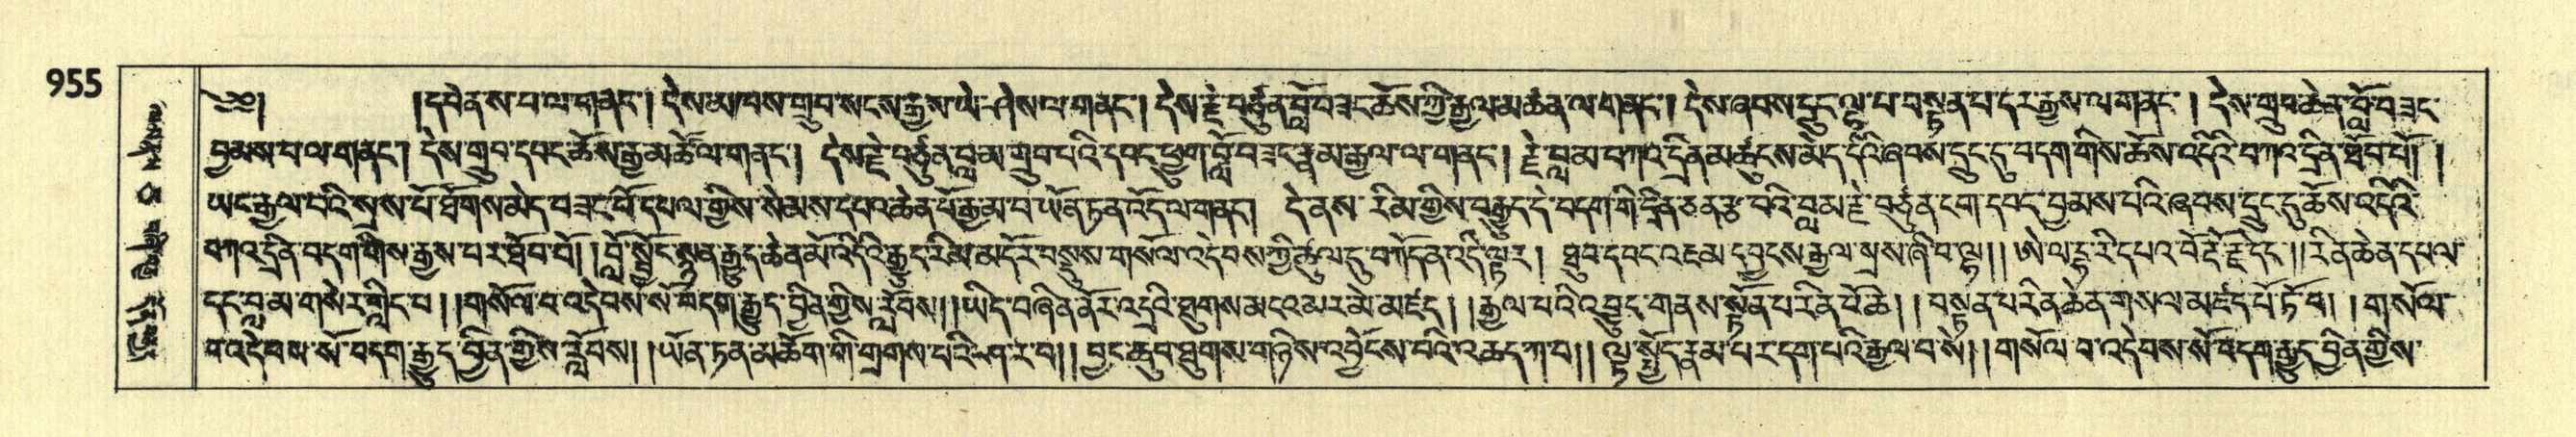༄༅། །དབེན་ས་པ་ལ་གནང་། དེས་མཁས་གྲུབ་སངས་རྒྱས་ཡེ་ཤེས་ལ་གནང་། དེས་རྗེ་བཙུན་བློ་བཟང་ཆོས་ཀྱི་རྒྱལ་མཚན་ལ་གནང་། དེས་ཞབས་དྲུང་ལྷ་པ་བསྟན་པ་དར་རྒྱས་ལ་གནང་། དེས་གྲུབ་ཆེན་བློ་བཟང་
བྱམས་བ་ལ་གནང་། དེས་གྲུབ་དབང་ཆོས་རྒྱ་མཚོ་ལ་གནང་། དེས་རྗེ་བཙུན་བླ་མ་གྲུབ་པའི་དབང་ཕྱུག་བློ་བཟང་རྣམ་རྒྱལ་ལ་གནང་། རྗེ་བླ་མ་བཀའ་དྲིན་མཚུངས་མེད་དིའི་ཞབས་དྲུང་དུ་བདག་གིས་ཆོས་འདིའི་བཀའ་དྲིན་ཐོབ་པོ། །
ཡང་རྒྱལ་བའི་སྲས་པོ་ཐོགས་མེད་བཟང་པོ་དཔལ་གྱིས་སེམས་དཔའ་ཆེན་པོ་རྒྱ་མ་བ་ཡོན་ཏན་འོད་ལ་གནང་། དེ་ནས་རིམ་གྱིས་བརྒྱུད་དེ་བདག་གི་དྲིན་ཅན་རྩ་བའི་བླ་མ་རྗེ་བཙུན་ངག་དབང་བྱམས་པའི་ཞབས་དྲུང་དུ་ཆོས་འདིའི་
བཀའ་དྲིན་བདག་གིས་རྒྱས་པར་ཐོབ་བོ། །བློ་སྦྱོང་སྙན་རྒྱུད་ཆེན་མོ་འདིའི་རྒྱུད་རིམ་མདོར་བསྡུས་གསོལ་འདེབས་ཀྱི་ཚུལ་དུ་བཀོད་ན་འདི་ལྟར། ཐུབ་དབང་འཇམ་དབྱངས་རྒྱལ་སྲས་ཞི་བ་ལྷ། །ཨེ་ལ་དྷ་རི་དཔའ་བོ་རྡོ་རྗེ་དང་། །རིན་ཆེན་དཔལ་
དང་བླ་མ་གསེར་གླིང་པ། །གསོལ་བ་འདེབས་སོ་བདག་རྒྱུད་བྱིན་གྱིས་རློབས། །ཡིད་བཞིན་ནོར་འདྲའི་ཐུགས་མངའ་མར་མེ་མཛད། །རྒྱལ་པའི་འབྱུང་གནས་སྟོན་པ་རིན་པོ་ཆེ། །བསྟན་པ་རིན་ཆེན་གསལ་མཛད་པོ་ཏོ་བ། །གསོལ་
བ་འདེབས་སོ་བདག་རྒྱུད་བྱིན་གྱིས་རློབས། །ཡོན་ཏན་མཆོག་གི་གྲགས་པའི་ཤ་ར་བ། །བྱང་ཆུབ་ཐུགས་གཉིས་འབྱོངས་བའི་འཆད་ཀ་བ། །ལྟ་སྤྱོད་རྣམ་པར་དག་པའི་རྒྱལ་བ་སེ། །གསོལ་བ་འདེབས་སོ་བདག་རྒྱུད་བྱིན་གྱིས་